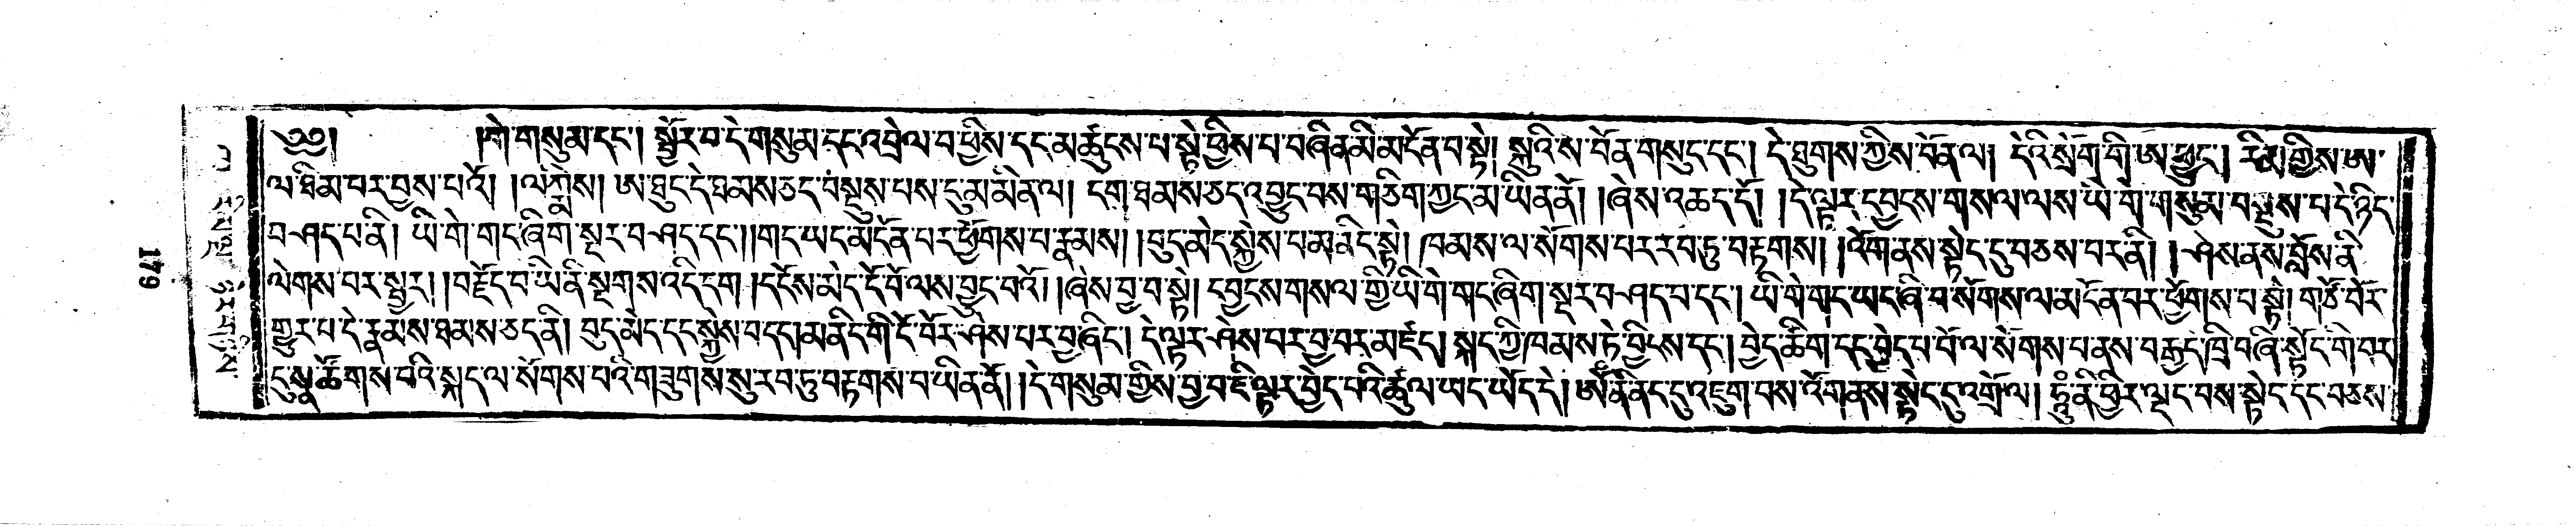༄༅། །གེ་གསུམ་དང་། སྦྱོར་བ་དེ་གསུམ་དང་འབྲེལ་བ་ཕྱིས་དང་མཚུངས་པ་སྟེ་ཕྱིས་པ་བཞིན་མི་མངོན་པ་སྟེ། སྐུའི་ས་བོན་གསུང་དང་། དེ་ཐུགས་ཀྱི་ས་བོན་ལ། དེའི་སྲོག་གི་ཨ་བྱུང་། རིམ་གྱིས་ཨ་
ལ་ཐིམ་པར་བྱས་བའོ། །ལཀྨིས། ཨ་ཐུང་དེ་ཐམས་ཅད་བསྡུས་པས་དུ་མ་མིན་ལ། ངག་ཐམས་ཅད་འབྱུང་པས་གཅིག་ཀྱང་མ་ཡིན་ནོ། །ཞེས་འཆད་དོ། །དེ་ལྟར་དབྱངས་གསལ་ལས་ཡི་གེ་གསུམ་བསྡུས་པ་དེ་ཉིད་
བཤད་པ་ནི། ཡི་གེ་གང་ཞིག་སྔར་བཤད་དང་། །གང་ཡང་མངོན་པར་ཕྱོགས་པ་རྣམས། །བུད་མེད་སྐྱེས་པ་མ་ནིང་སྟེ། ཁམས་ལ་སོགས་པར་རབ་ཏུ་བརྟགས། །འོག་ནས་སྟེང་དུ་བཅས་པར་ནི། །ཤེས་ནས་བློས་ནི་
ལེགས་པར་སྦྱར། །བརྗོད་པ་ཡི་ནི་སྔགས་འདི་དག །དངོས་མེད་ངོ་བོ་ལས་བྱུང་བའོ། །ཞེས་བྱ་བ་སྟེ། དབྱངས་གསལ་གྱི་ཡི་གེ་གང་ཞིག་སྔར་བཤད་པ་དང་། ཡི་གེ་གང་ཡང་ཞི་བ་སོགས་ལ་མངོན་པར་ཕྱོགས་པ་སྟེ། གཙོ་བོར་
གྱུར་བ་དེ་རྣམས་ཐམས་ཅད་ནི། བུད་མེད་དང་སྐྱེས་པ་དང་། མ་ནིང་གི་ངོ་བོར་ཤེས་པར་བྱ་ཞིང་། དེ་ལྟར་ཤེས་པར་བྱ་བར་མཛད། སྐད་ཀྱི་ཁམས་ཏེ་བྱིངས་དང་། ཕྱེད་ཚིག་དང་བྱེད་པ་པོ་ལ་སོགས་པ་ནས་བརྒྱད་ཁྲི་བཞི་སྟོང་གི་བར་
དུ་སྣ་ཚོགས་པའི་སྐད་ལ་སོགས་པའི་གཟུགས་སུ་རབ་ཏུ་བརྟགས་པ་ཡིན་ནོ། །དེ་གསུམ་གྱིས་བྱ་བ་ཇི་ལྟར་བྱེད་པའི་ཚུལ་ཡང་ཡོད་དེ། ཨོཾ་ནི་ནང་དུ་འཇུག་པས་འོག་ནས་སྟེང་དུ་འགྲོ་ལ། ཧཱུཾ་ནི་ཕྱིར་ལྡང་བས་སྟེང་དང་བཅས་